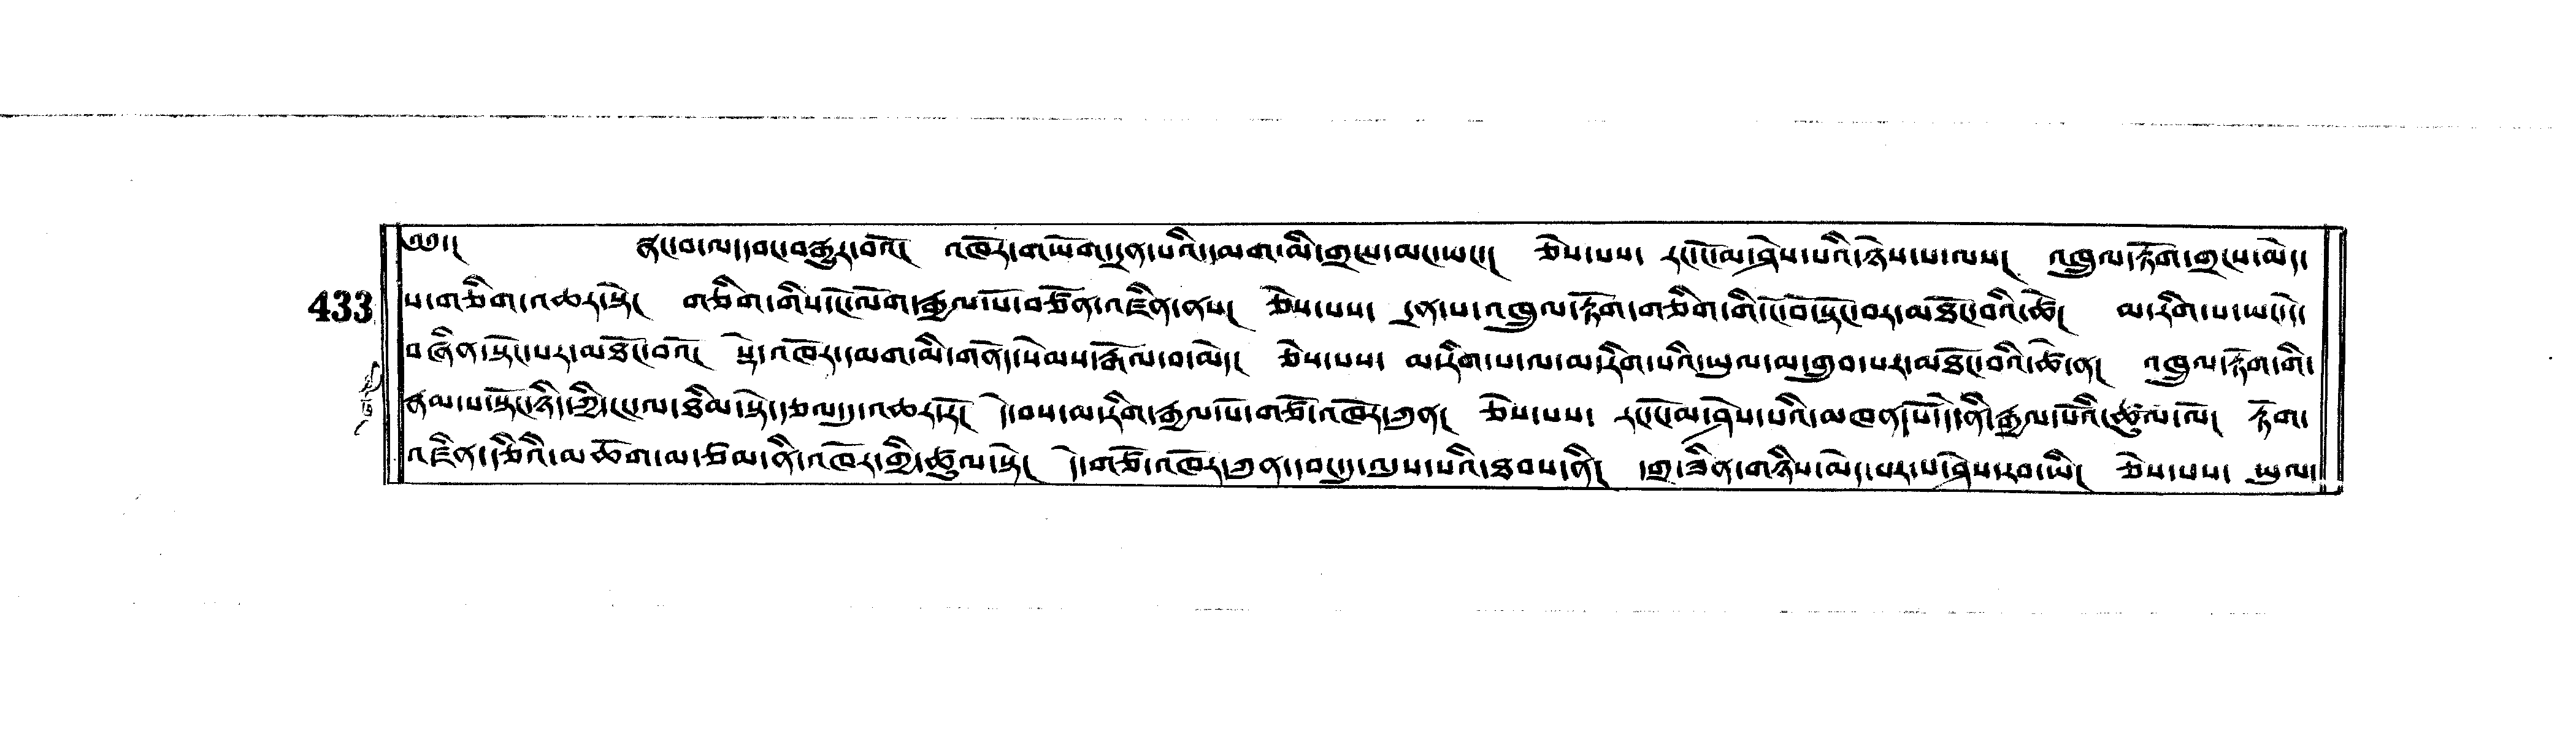སྣང་བ་ལ་དབང་བསྒྱུར་བའོ། འཁོར་གཡོག་དྲན་པའི་དམག་མི་གྲངས་མང་ཡང་། ཅེས་པས། རང་ངོ་མ་ཤེས་པའི་ཉེས་པ་ལས། འཁྲུལ་རྟོག་གྲངས་མང་
པ་ཞིག་འཆར་ཏེ། གཅིག་གིས་ངོ་ལོག་རྒྱལ་པོ་བཙོན་འཛིན་ནས། ཅེས་པས། དྲན་པ་འཁྲུལ་རྟོག་གཅིག་གི་ངོ་བོ་སྟོང་པར་མཐོང་བའི་ཚེ། མ་རིག་པ་ཡང་དེ་
བཞིན་སྟོང་པར་མཐོང་བའོ། སྡེ་འཁོར་དམག་མི་གནོད་སེམས་རྒོལ་བ་མེད། ཅེས་པས། མ་རིག་པ་ལ་མ་རིག་པའི་ཡུལ་མ་གྲུབ་པར་མཐོང་བའི་ཚེ་ན། འཁྲུལ་རྟོག་གི་
རྣམ་པ་སྟོང་ཉིད་ཀྱི་ངང་ལ་ཐིམ་སྟེ་རྩལ་དུ་འཆར་རོ། དེ་བས་མ་རིག་རྒྱལ་པོ་གཙོ་འཁོར་ཀུན། ཅེས་པས། རང་ངོ་མ་ཤེས་པའི་མཁན་པོ་དེ་ནི་རྒྱལ་པོའི་ཚུལ་ལོ། རྟོག་
འཛིན་རྩི་ཡི་མཆོག་མ་ཙམ་ནི་འཁོར་གྱི་ཚུལ་ཏེ། དེ་གཙོ་འཁོར་ཀུན་དབང་དུ་འདུས་པའི་ཐབས་ནི། དགྲ་ཟུན་གཉིས་མེད་པར་བ་ཤེས་རབ་ཡི། ཅེས་པས། ཡུལ་